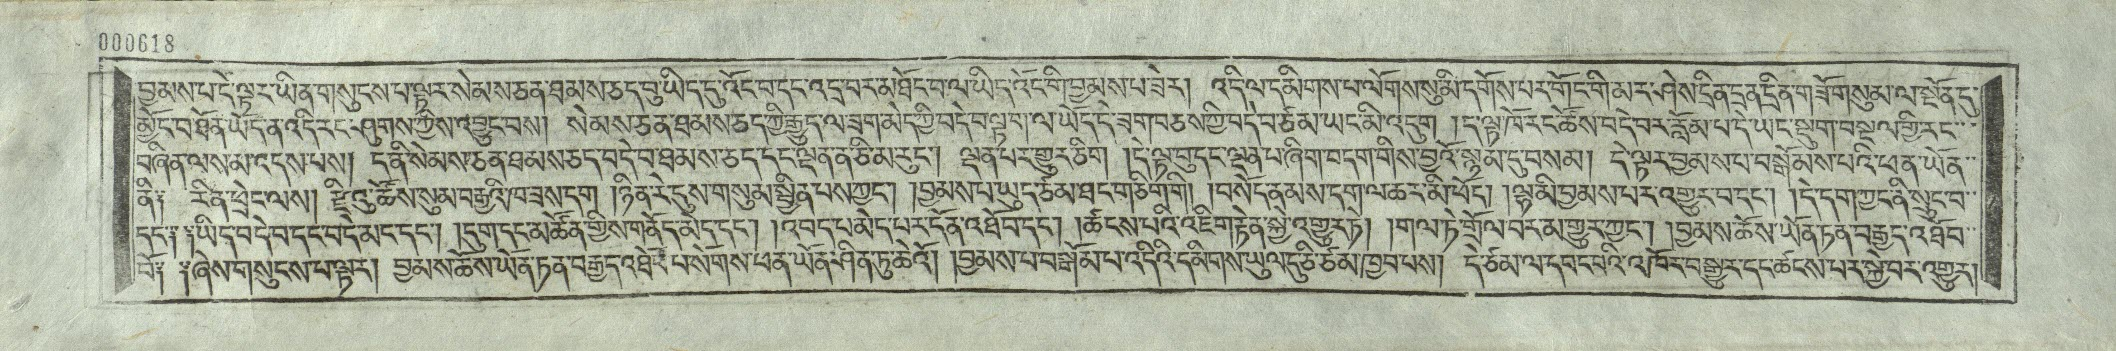བྱམས་པ་དེ་ལྟར་ཡིན་གསུངས་པ་ལྟར་སེམས་ཅན་ཐམས་ཅད་བུ་ཡིད་དུ་འོང་བ་དང་འདྲ་བར་མཐོང་བ་ལ་ཡིད་འོང་གི་བྱམས་པ་ཟེར། འདི་ལ་དམིགས་པ་ལོགས་སུ་མི་དགོས་པར་གོང་གི་མར་ཤེས་དྲིན་དྲན་དྲིན་གཟོ་གསུམ་ལ་སྔོན་དུ་
མྱོང་བ་ཐོན་ཡོད་ན་འདི་རང་ཤུགས་ཀྱིས་འབྱུང་བས། སེམས་ཅན་ཐམས་ཅད་ཀྱི་རྒྱུད་ལ་ཟག་མེད་ཀྱི་བདེ་བ་ལྟ་ག་ལ་ཡོད་དེ་ཟག་བཅས་ཀྱི་བདེ་བ་ཙམ་ཡང་མི་འདུག །ད་ལྟ་ཁོ་རང་ཚོས་བདེ་བར་རློམ་པ་དེ་ཡང་སྡུག་བསྔལ་གྱི་རང་
བཞིན་ལས་མ་འདས་པས། ད་ནི་སེམས་ཅན་ཐམས་ཅད་བདེ་བ་ཐམས་ཅད་དང་ལྡན་ན་ཅི་མ་རུང་། ལྡན་པར་གྱུར་ཅིག །དེ་ལྟ་བུ་དང་ལྡན་པ་ཞིག་བདག་གིས་བྱའོ་སྙམ་དུ་བསམ། དེ་ལྟར་བྱམས་པ་བསྒོམས་པའི་ཕན་ཡོན་
ནི༑ རིན་ཕྲེང་ལས། རྫི་འུ་ཚོས་སུམ་བརྒྱའི་ཁ་ཟས་དག །ཉིན་རེ་དུས་གསུམ་སྦྱིན་པས་ཀྱང་། །བྱམས་པ་ཡུད་ཙམ་ཐང་གཅིག་གི། །བསོད་ནམས་དག་ལ་ཆར་མི་ཕོད། །ལྷ་མི་བྱམས་པར་འགྱུར་བ་དང་། །དེ་དག་ཀྱང་ནི་སྲུང་བ་
དང༑ ༑ཡིད་བདེ་བ་དང་བདེ་མང་དང་། །དུག་དང་མཚོན་གྱིས་གནོད་མེད་དང་། །འབད་པ་མེད་པར་དོན་འཐོབ་དང་། །ཚངས་པའི་འཇིག་རྟེན་སྐྱེ་འགྱུར་ཏེ། །གལ་ཏེ་གྲོལ་བར་མ་གྱུར་ཀྱང་། །བྱམས་ཆོས་ཡོན་ཏན་བརྒྱད་འཐོབ་
བོ༑ ༑ཞེས་གསུངས་པ་ལྟར། བྱམས་ཆོས་ཡོན་ཏན་བརྒྱད་འཐོབ་པ་སོགས་ཕན་ཡོན་ཤིན་ཏུ་ཆེའོ། །བྱམས་པ་བསྒོམ་པ་འདིའི་དམིགས་ཡུལ་དུ་ཅི་ཙམ་ཁྱབ་པས། དེ་ཙམ་ལ་དབང་བའི་འཁོར་བསྒྱུར་དང་ཚངས་པར་སྐྱེ་བར་འགྱུར།